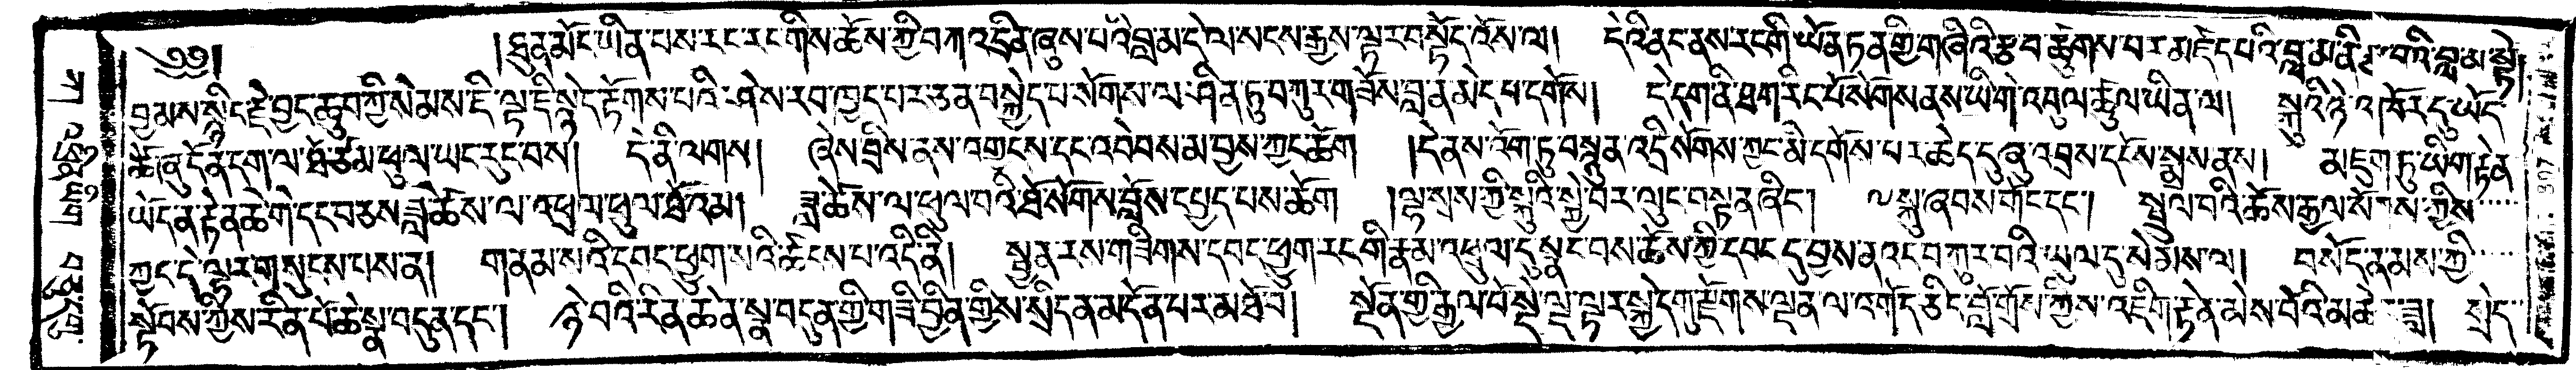༄༅། །ཐུན་མོང་ཡིན་བར་རང་རང་གིས་ཆོས་ཀྱི་བཀའ་དྲིན་ཞུས་པའི་བླ་མ་དེ་ལ་སངས་རྒྱས་ལྟར་བསྟོད་འོས་ལ། དེའི་ནང་ནས་རང་གི་ཡོན་ཏན་གྱི་གཞིའི་རྩ་བ་ཚུགས་པར་མཛད་པའི་བླ་ནི་རྩ་བའི་བླ་མ་སྟེ།
བྱམས་སྙིང་རྗེ་བྱང་ཆུབ་ཀྱི་སེམས་ཇི་ལྟ་ཇི་སྙེད་རྟོགས་པའི་ཤེས་རབ་ཁྱད་པར་ཅན་བསྐྱེད་པ་སོགས་ལ་ཤིན་ཏུ་བཀུར་གཟོས་བླ་ན་མེད་པ་དགོས། དེ་དག་ནི་ཐག་རིང་པོ་སོགས་ནས་ཡི་གེ་འབུལ་ཚུལ་ཡིན་ལ། སྐུའི་ཉེ་འཁོར་དུ་ཡོད་
ཚེ་ཞུ་དོན་དག་ལ་ཐོ་ཙམ་ཕུལ་ཡང་རུང་བས། དེ་ནི་ལགས། ཞེས་བྲིས་ནས་འགྱངས་དང་འབེབས་མ་བྱས་ཀྱང་ཆོག །དེ་ནས་འོག་ཏུ་བསྙུང་འདྲི་སོགས་ཀྱང་མི་དགོས་པར་ཆེད་དུ་ཞུ་འབྲས་དངོས་སྨྲས་ནས། མཇུག་ཏུ་ཡིག་རྟེན་
ཡོན་ན་རྟེན་ཆེ་གེ་དང་བཅས་ཟླ་ཚེས་ལ་འཕྲལ་ཕུལ་ཐོ་འམ། ཟླ་ཚེས་ལ་ཕུལ་བའི་ཐོ་སོགས་བློས་དཔྱད་པས་ཆོག །ལྷ་སྲས་ཀྱི་སྐུའི་སྐྱེ་བར་ལུང་བསྟན་ཞིང་། ~་སྐུ་ཞབས་གོང་དང་། སྦྲུལ་བའི་ཆོས་རྒྱལ་སོགས་ཀྱིས་
ཀྱང་དེ་ལྟར་གསུངས་པས་ན། གནམ་སའི་དབང་ཕྱུག་སའི་ཚངས་པ་འདི་ནི། སྤྱན་རས་གཟིགས་དབང་ཕྱུག་རང་གི་རྣམ་འཕྲུལ་དུ་སྣང་བས་ཆོས་ཀྱི་དབང་དུ་བྱས་ནའང་བཀུར་བའི་ཡུལ་དུ་སེམས་ལ། བསོད་ནམས་ཀྱི་
སྟོབས་ཀྱིས་རིན་པོ་ཆེ་སྣ་བདུན་དང་། ཉེ་བའི་རིན་ཆེན་སྣ་བདུན་གྱི་གཟི་བྱིན་གྱིས་སྲིད་ན་མདོན་པར་མཐོ་བ། སྔོན་གྱི་རྒྱལ་པོ་སྡེ་ལྔ་ལྟར་སྐྱེ་དགུ་རྫོགས་ལྡན་ལ་འགོད་ཅིང་བློ་གྲོས་ཀྱིས་འཇིག་རྟེན་མེས་བོའི་མཆེས?་ཟླ། སྲེད་